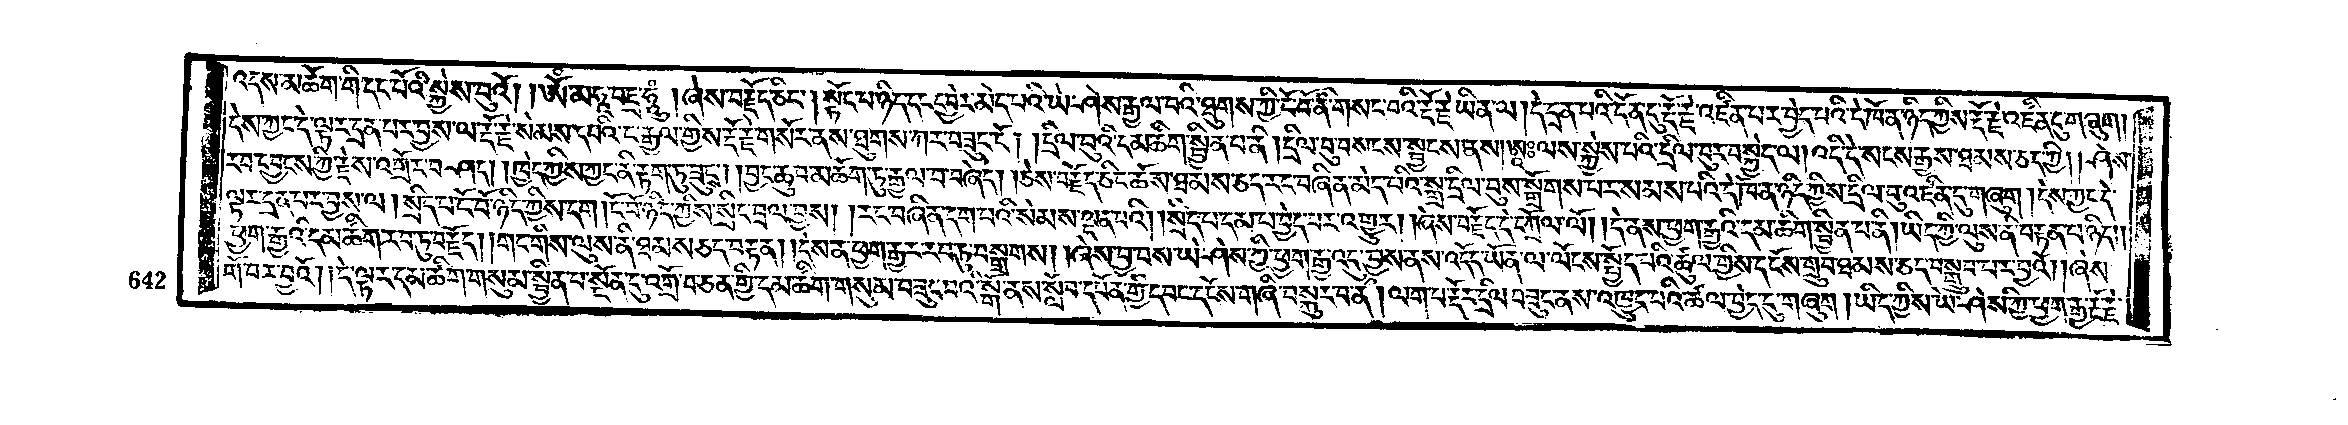འདས་མཆོག་གི་དང་པོའི་སྐྱེས་བུའོ། །ཨོཾ་མཧཱ་བཛྲ་ཧཱུཾ། ཞེས་བརྗོད་ཅིང་། སྟོང་པ་ཉིད་དང་དབྱེར་མེད་པའི་ཡེ་ཤེས་རྒྱལ་བའི་ཐུགས་ཀྱི་ངོ་བོ་ནི་གསང་བའི་རྡོ་རྗེ་ཡིན་ལ། དེ་དྲན་པའི་དོན་དུ་རྡོ་རྗེ་འཛིན་པར་བྱེད་པའི་དེ་ཁོ་ན་ཉིད་ཀྱིས་རྡོ་རྗེ་འཛིན་དུ་གཞུག །
དེས་ཀྱང་དེ་ལྟར་དྲན་པར་བྱས་ལ་རྡོ་རྗེ་སེམས་དཔའི་ང་རྒྱལ་གྱིས་རྡོ་རྗེ་གསོར་ནས་ཐུགས་ཀར་བཟུང་ངོ། །དྲིལ་བུའི་དམ་ཚིག་སྦྱིན་པ་ནི། དྲིལ་བུ་བསངས་སྦྱངས་ནས། ཨཱཿ ལས་སྐྱེས་པའི་དྲིལ་བུར་བསྐྱེད་ལ། འདི་དེ་སངས་རྒྱས་ཐམས་ཅད་ཀྱི། །ཤེས་
རབ་དབྱངས་ཀྱི་རྗེས་འགྲོར་བཤད། །ཁྱེད་ཀྱིས་ཀྱང་ནི་རྟག་ཏུ་ཟུངས། །བྱང་ཆུབ་མཆོག་ཏུ་རྒྱལ་བ་བཞེད། །ཅེས་བརྗོད་ཅིང་ཆོས་ཐམས་ཅད་རང་བཞིན་མེད་པའི་སྒྲ་དྲིལ་བུས་སྒྲོགས་པར་སེམས་པའི་དེ་ཁོ་ན་ཉིད་ཀྱིས་དྲིལ་བུ་འཛིན་དུ་གཞུག །དེས་ཀྱང་དེ་
ལྟར་དྲན་པར་བྱས་ལ། སྲིད་པ་ངོ་བོ་ཉིད་ཀྱིས་དག །ངོ་བོ་ཉིད་ཀྱིས་སྲིང་བྲལ་བྱས། །རང་བཞིན་དག་པའི་སེམས་ལྡན་པའི། །སྲིད་པ་དམ་པ་བྱེད་པར་འགྱུར། །ཞེས་བརྗོད་དེ་དཀྲོལ་ལོ། །དེ་ནས་ཕྱག་རྒྱའི་དམ་ཚིག་སྦྱིན་པ་ནི། ཡིད་ཀྱི་ལུས་ནི་བརྟན་པ་ཉིད། །
ཕྱག་རྒྱའི་དམ་ཚིག་རབ་ཏུ་བརྗོད། །གང་གིས་ལུས་ནི་ཐམས་ཅད་བརྟན། །དེས་ན་ཕྱག་རྒྱར་རབ་ཏུ་བསྒྲགས། །ཞེས་བྱ་བས་ཡེ་ཤེས་ཀྱི་ཕྱག་རྒྱ་འདུ་བྱས་ནས་འདོད་ཡོན་ལ་ལོངས་སྤྱོད་པའི་ཚུལ་གྱིས་དངོས་གྲུབ་ཐམས་ཅད་བསྒྲུབ་པར་བྱའོ། །ཞེས་
གོ་བར་བྱའོ། །དེ་ལྟར་དམ་ཚིག་གསུམ་སྦྱིན་པ་སྔོན་དུ་འགྲོ་བ་ཅན་གྱི་དམ་ཚིག་གསུམ་བཟུང་བའི་སྒོ་ནས་སློབ་དཔོན་གྱི་དབང་དངོས་གཞི་བསྐུར་བ་ནི། ལག་པ་རྡོར་དྲིལ་བཟུང་ནས་འཁྱུད་པའི་ཚུལ་བྱེད་དུ་གཞུག །ཡིད་ཀྱིས་ཡེ་ཤེས་ཀྱི་ཕྱག་རྒྱ་རྡོ་རྗེ་